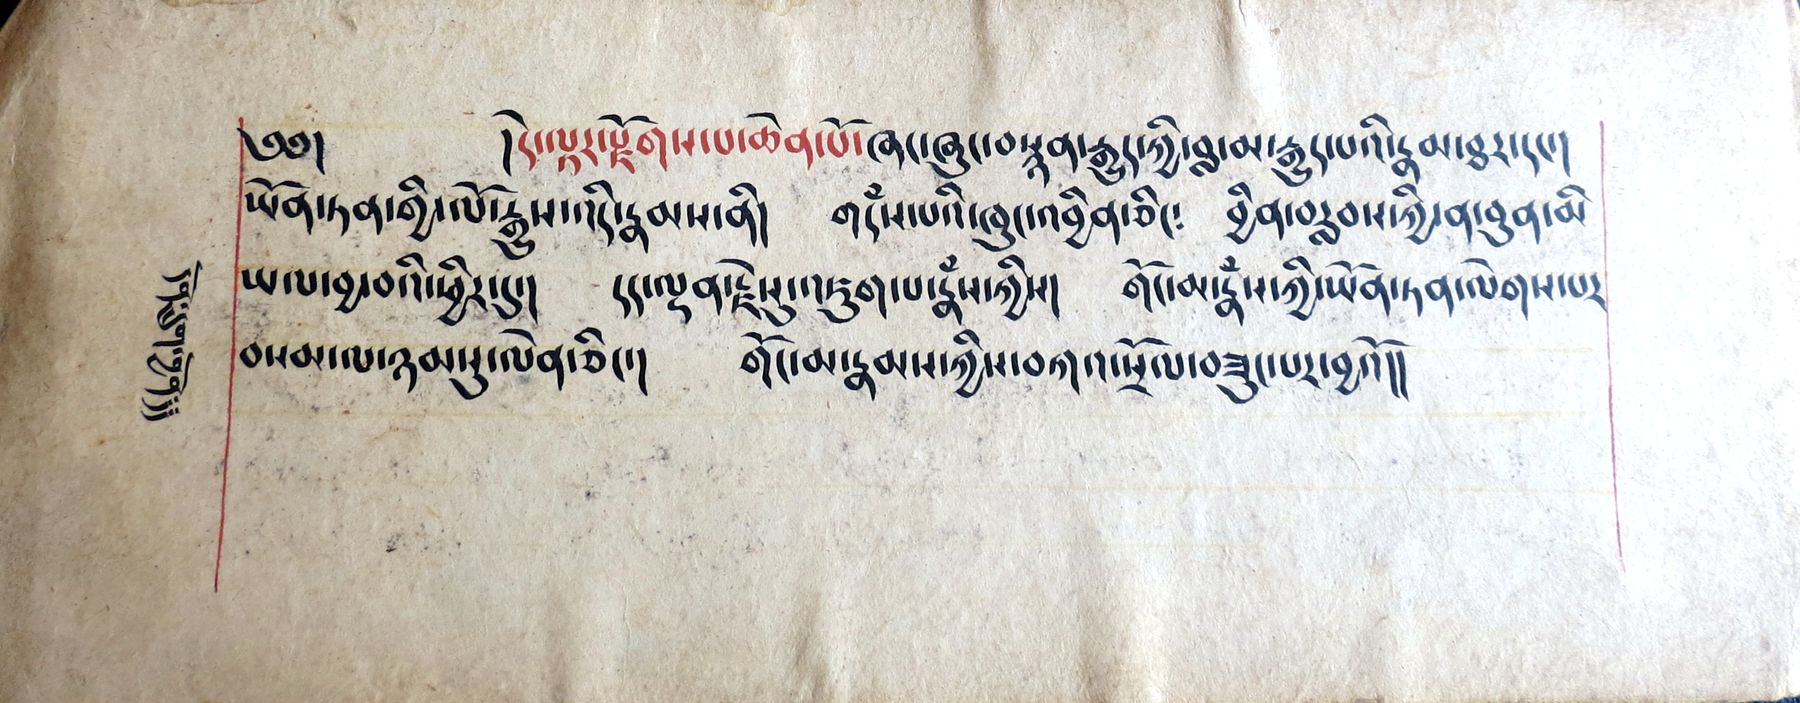དེ་ལྟར་རྫོགས་པ་ཆེན་པོ་ཞང་ཞུང་སྙན་རྒྱུད་ཀྱི་བླ་མ་རྒྱུད་པའི་རྣམ་ཐར་དང་། 
ཡོན་ཏན་གྱི་ལོ་རྒྱུས་འདི་རྣམས་ནི། གདམས་པའི་ཁུངས་འབྱིན་ཅིང་བྱིན་རླབས་ཀྱི་ན་བུན་མི་
ཡལ་བའི་ཕྱིར་དུ་དད་ལྡན་རྗེས་འཇུག་པ་རྣམས་ཀྱིས་གོང་མ་རྣམས་ཀྱི་ཡོན་ཏན་ལེགས་པར་
བསམ་ལ་ཉམས་སུ་ལེན་ཅིང་། གོང་མ་རྣམས་ཀྱི་བཀའ་སྲོལ་བཟུང་བར་བྱའོ།། །།